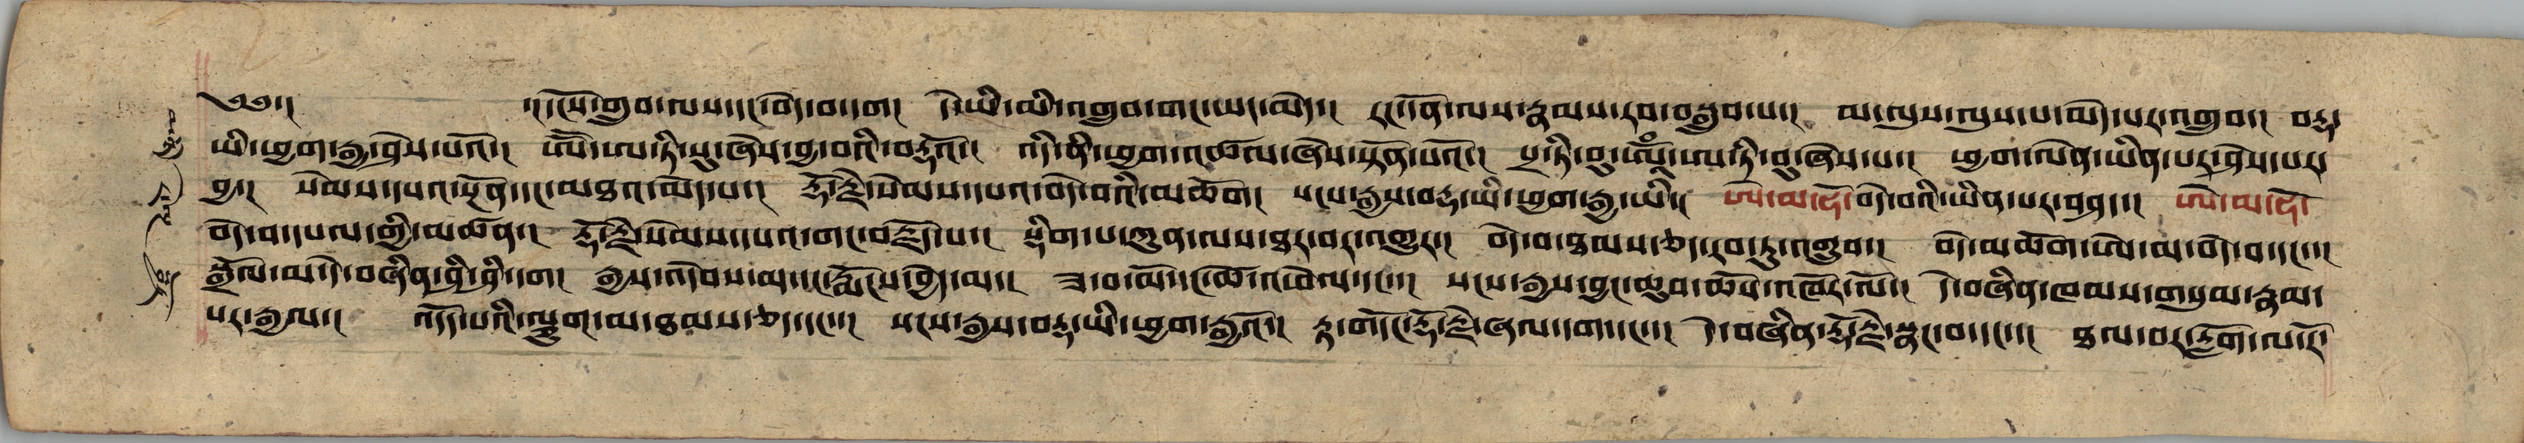༄༅་། ་།དངོས་གྲུབ་ལས་དང་བདེ་བ་དག། དེ་ཡི་མི་འགྲུབ་གང་ཡང་མེད་། རང་དོན་ལས་རྣམས་རབ་བསྒྲུབ་པ་། མ་ལུས་ལུས་པ་མེད་པར་འགྲུབ་། བརྡ་
ཡི་ཕྱག་རྒྱ་ཤེས་པའོ་། ཨཽ་ཨ་ཏི་སུ་ཞེས་བྱ་་བའི་བརྡའོ་། འདི་ནི་ཕྱག་འཚལ་ཞེས་སྟོན་པའོ་། པྲ་ཏི་བུ་ཨཱོཾ་ཨ་ཏི་བུ་ཞེས་པ་། ཕྱག་ལེན་ཡིན་པར་ཤེས་པར་
བྱ་། སེམས་དཔའ་སྔོན་དང་མཐའ་མེད་པ་། རྡོ་རྗེ་སེམས་དཔའ་བདེ་བའི་མཆོག། སངས་རྒྱས་བརྡ་ཡི་ཕྱག་རྒྱ་ཡི་། ཨེ་མ་ཧོ་བདེ་བའི་ཡིན་པར་བཤད་། ཨེ་མ་ཧོ་
བདེ་བ་དཔལ་གྱི་མཚན་། རྡོ་རྗེ་སེམས་དཔའ་གང་བརྗོད་པ་། སྡིག་པ་ཀུན་ལས་ཐར་བར་འགྱུར་། བདེ་བ་ཐམས་ཅད་རབ་ཏུ་འགྲུབ་། བདེ་མཆོག་ཨེ་མ་བདེ་བ་དང་་།
སྒྲོལ་མ་དེ་བཞིན་ཤི་ཤི་དག། རྒྱས་འདེབས་མ་དང་རྨོངས་བྱེད་མ་། ཟ་བ་མོ་དང་ཚེ་འཕེལ་དང་་། སངས་རྒྱས་བྱང་ཆུབ་ཆོས་འཁོར་ལོ་། དེ་བཞིན་ཁམས་གསུམ་རྣམ་
པར་རྒྱལ་། འདོད་པའི་ལྕུག་མ་ཐམས་ཅད་དང་་། སངས་རྒྱས་བརྡ་ཡི་ཕྱག་རྒྱའོ་། རྟ་གདོང་རྡོ་རྗེ་ཞལ་དག་དང་་། དེ་བཞིན་རྡོ་རྗེ་སྣང་བ་དང་་། ཐལ་བར་རློག་ལ་རོ་